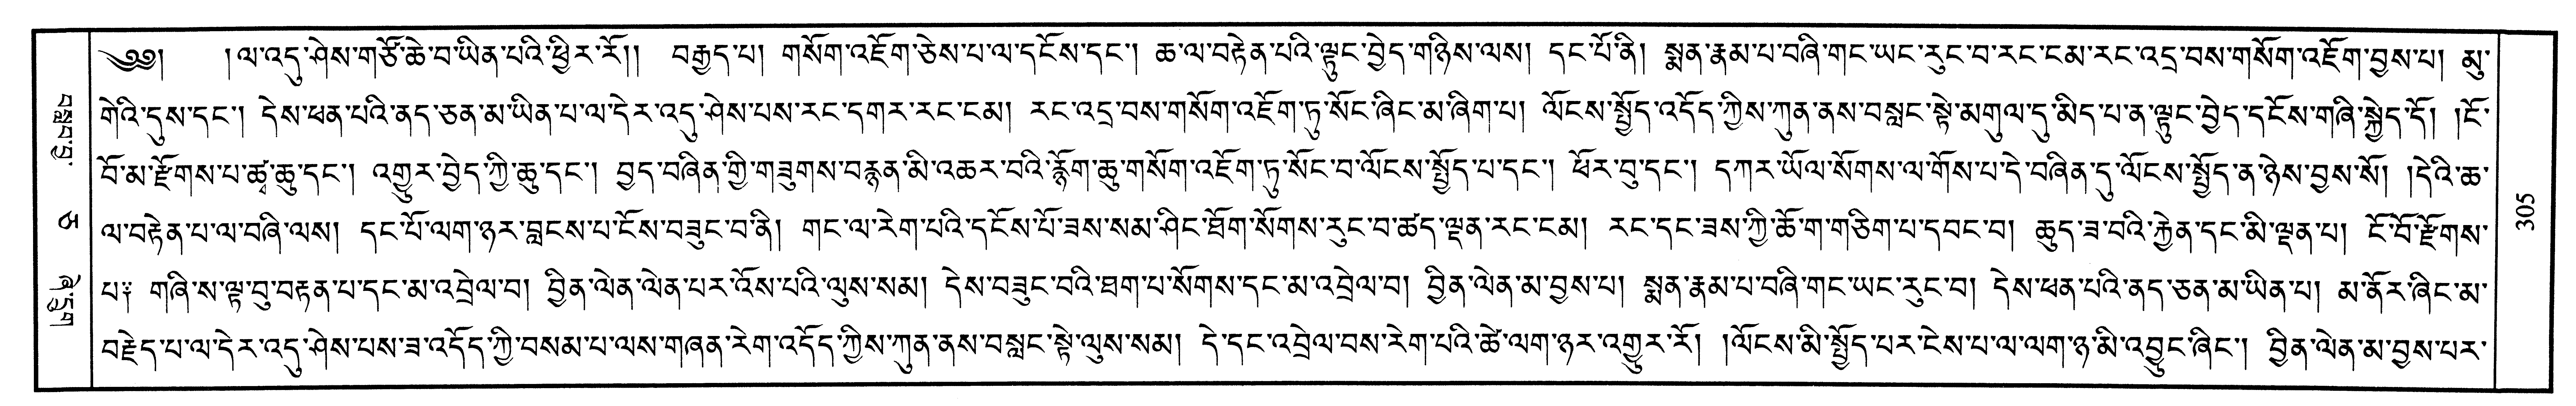༄༅། །ལ་འདུ་ཤེས་གཙོ་ཆེ་བ་ཡིན་པའི་ཕྱིར་རོ།། བརྒྱད་པ། གསོག་འཇོག་ཅེས་པ་ལ་དངོས་དང་། ཆ་ལ་བརྟེན་པའི་ལྟུང་བྱེད་གཉིས་ལས། དང་པོ་ནི། སྨན་རྣམ་པ་བཞི་གང་ཡང་རུང་བ་རང་ངམ་རང་འདྲ་བས་གསོག་འཇོག་བྱས་པ། མུ་
གེའི་དུས་དང་། དེས་ཕན་པའི་ནད་ཅན་མ་ཡིན་པ་ལ་དེར་འདུ་ཤེས་པས་རང་དགར་རང་ངམ། རང་འདྲ་བས་གསོག་འཇོག་ཏུ་སོང་ཞིང་མ་ཞིག་པ། ལོངས་སྤྱོད་འདོད་ཀྱིས་ཀུན་ནས་བསླང་སྟེ་མགུལ་དུ་མིད་པ་ན་ལྟུང་བྱེད་དངོས་གཞི་སྐྱེད་དོ། །ངོ་
བོ་མ་རྫོགས་པ་ཚྭ་ཆུ་དང་། འགྱུར་བྱེད་ཀྱི་ཆུ་དང་། བྱད་བཞིན་གྱི་གཟུགས་བརྙན་མི་འཆར་བའི་རྙོག་ཆུ་གསོག་འཇོག་ཏུ་སོང་བ་ལོངས་སྤྱོད་པ་དང་། ཕོར་བུ་དང་། དཀར་ཡོལ་སོགས་ལ་གོས་པ་དེ་བཞིན་དུ་ལོངས་སྤྱོད་ན་ཉེས་བྱས་སོ། །དེའི་ཆ་
ལ་བརྟེན་པ་ལ་བཞི་ལས། དང་པོ་ལག་ཉར་བླངས་པ་ངོས་བཟུང་བ་ནི། གང་ལ་རེག་པའི་དངོས་པོ་ཟས་སམ་ཤིང་ཐོག་སོགས་རུང་བ་ཚད་ལྡན་རང་ངམ། རང་དང་ཟས་ཀྱི་ཆོ་ག་གཅིག་པ་དབང་བ། ཆུད་ཟ་བའི་རྐྱེན་དང་མི་ལྡན་པ། ངོ་བོ་རྫོགས་
པ༑ གཞི་ས་ལྟ་བུ་བརྟན་པ་དང་མ་འབྲེལ་བ། བྱིན་ལེན་ལེན་པར་འོས་པའི་ལུས་སམ། དེས་བཟུང་བའི་ཐག་པ་སོགས་དང་མ་འབྲེལ་བ། བྱིན་ལེན་མ་བྱས་པ། སྨན་རྣམ་པ་བཞི་གང་ཡང་རུང་བ། དེས་ཕན་པའི་ནད་ཅན་མ་ཡིན་པ། མ་ནོར་ཞིང་མ་
བརྗེད་པ་ལ་དེར་འདུ་ཤེས་པས་ཟ་འདོད་ཀྱི་བསམ་པ་ལས་གཞན་རེག་འདོད་ཀྱིས་ཀུན་ནས་བསླང་སྟེ་ལུས་སམ། དེ་དང་འབྲེལ་བས་རེག་པའི་ཚེ་ལག་ཉར་འགྱུར་རོ། །ལོངས་མི་སྤྱོད་པར་ངེས་པ་ལ་ལག་ཉ་མི་འབྱུང་ཞིང་། བྱིན་ལེན་མ་བྱས་པར་